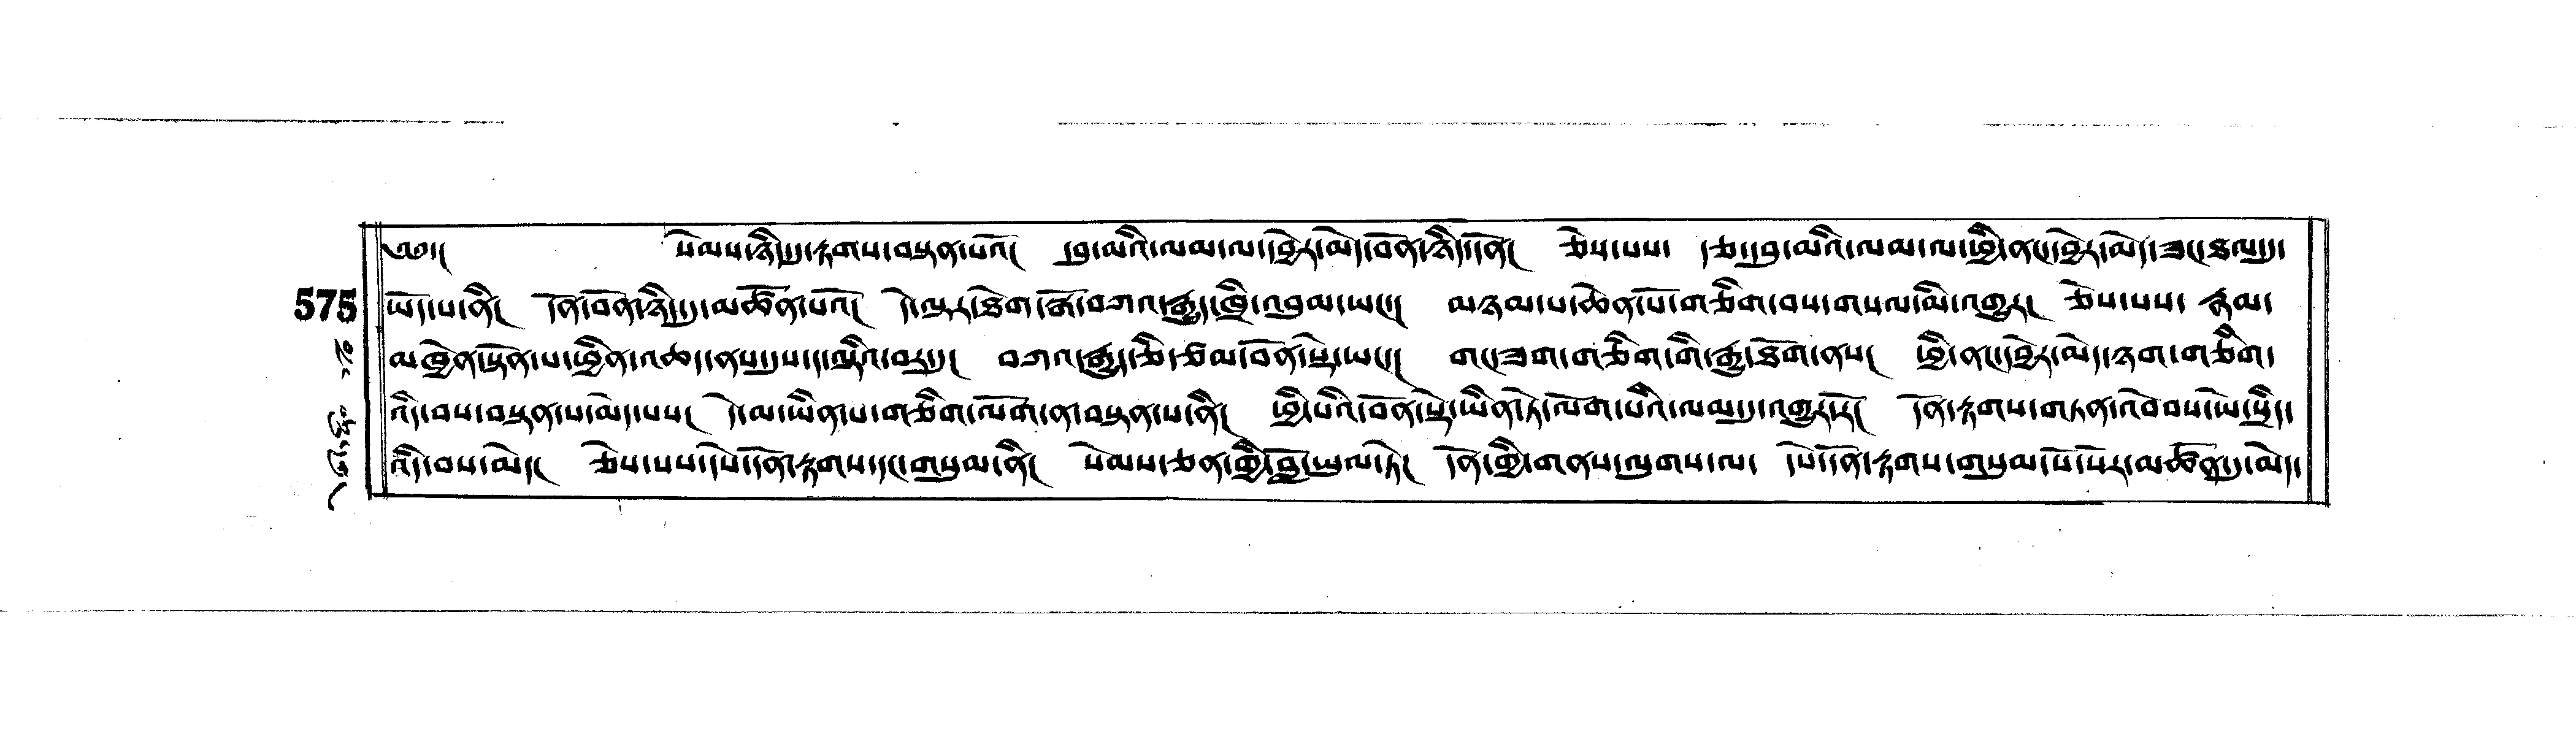སེམས་ཉིད་དུ་རྟགས་བསྟན་པའོ། དབུ་མའི་ལམ་ལ་དབྱེར་མེད་བོན་ཉིད་དོན། ཅེས་པས། རྩ་དབུ་མའི་ལམ་ལ་ཕྱི་ནང་དབྱེར་མེད་ཟང་ཐལ་དུ་
ཡོད་པ་ནི། དོན་བོན་ཉིད་དུ་མཚོན་པའོ། དེ་ལྟར་ཐེག་སྒོ་བཀའ་བརྒྱུད་ཁྲི་འབུམ་ཡང་། མཉམ་པ་ཆེན་པོ་གཅིག་བས་གསལ་མི་འགྱུར། ཅེས་པས། རྣམ་
མཁྱེན་སྟོན་པ་ཕྱིན་ཆད་ནས་དུས་ད་ལྟའི་བར་དུ། བཀའ་བརྒྱུད་ཅི་ཙམ་བོན་སྡེ་ཡང་། གང་ཟག་གཅིག་གི་རྒྱུད་ཐོག་ནས་ཕྱི་ནང་དབྱེར་མེད་ཉག་ཅིག་
འདི་བས་བསྟན་པ་མེད་པས། དེ་མ་ཡིན་པ་གཅིག་ལོགས་ན་བསྟན་པ་ནི། ཕྱི་པའི་བོན་སྡེ་ཡིན་པས་ལོག་པའི་ལམ་དུ་འགྱུར་རོ། དོན་རྟགས་གཏན་འབེབས་ཡེ་སྲིད་
འདི་བས་མེད། ཅེས་པས། དཔེ་དོན་རྟགས་དང་གསུམ་ནི། སེམས་ཅན་གྱི་བློ་ཡུལ་ཏེ། དོན་གྱི་གནས་ལུགས་ལ། དཔེ་དོན་རྟགས་གསུམ་སོ་སོར་མཚོན་དུ་མེད་